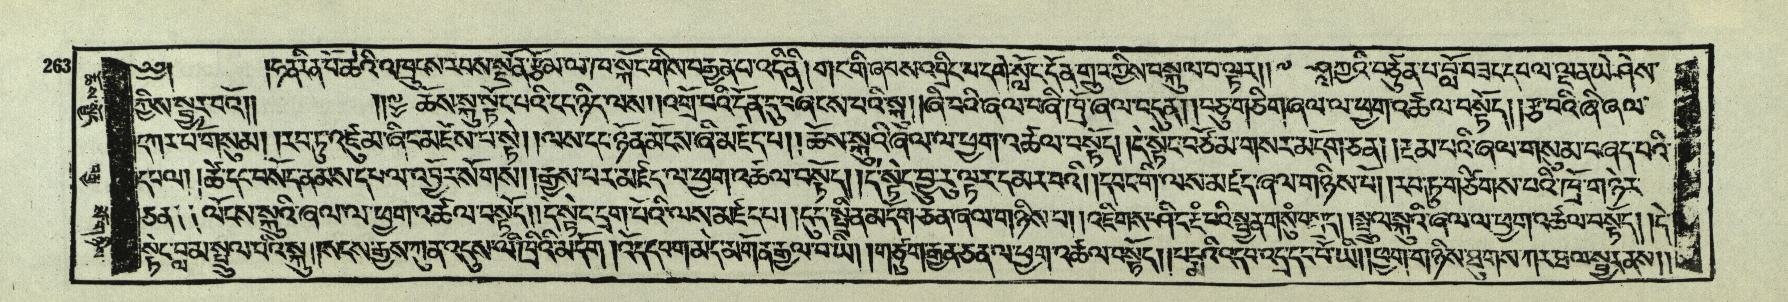༄༅། །ཧན་རིན་པོ་ཆེའི་འཁྲུངས་རབས་སྔོན་རྩོམ་ལ་ཁ་སྐོང་གིས་བརྒྱན་པ་འདི་ནི། གང་གི་ཞབས་འབྲིང་པ་དགེ་སློང་དོན་གྲུབ་ཀྱིས་བསྐུལ་བ་ལྟར།། ༧་ཤཱཀྱའི་བཙུན་པ་བློ་བཟང་དཔལ་ལྡན་ཡེ་ཤེས་
ཀྱིས་སྦྱར་བའོ།། །།འ་ཆོས་སྐུ་སྟོང་པའི་ངང་ཉིད་ལས། །འགྲོ་བའི་དོན་དུ་བཞེངས་པའི་སྐུ། །ཞི་བའི་ཞལ་བཞི་ཁྲོ་ཞལ་བདུན། །བཅུ་གཅིག་ཞལ་ལ་ཕྱག་འཚལ་བསྟོད། །རྩ་བའི་ཞི་ཞལ་
དཀར་པ་གསུམ། །རབ་ཏུ་འཛུམ་ཞིང་མཛེས་པ་སྟེ། །ལས་དང་ཉོན་མོངས་ཞི་མཛད་པ། །ཆོས་སྐུའི་ཞལ་ལ་ཕྱག་འཚལ་བསྟོད། །དེ་སྟེང་བཙོ་མ་གསར་མདོག་ཅན། །རྔམ་པའི་ཞལ་གསུམ་བཞད་པའི་
དཔལ། །ཚེ་དང་བསོད་ནམས་དཔལ་འབྱོར་སོགས། །རྒྱས་པར་མཛད་ལ་ཕྱག་འཚལ་བསྟོད། །དེ་སྟེང་བྱུ་རུ་ལྟར་དམར་བའི། །དབང་གི་ལས་མཛད་ཞལ་གཉིས་པོ། །རབ་ཏུ་གཙིགས་པའི་ཁྲོ་གཉེར་
ཅན༑ ༑ལོངས་སྐུའི་ཞལ་ལ་ཕྱག་འཚལ་བསྟོད། །དེ་སྟེང་དྲག་པོའི་ལས་མཛད་པ། །དུད་སྤྲིན་མདོག་ཅན་ཞལ་གཉིས་པ། །འཇིགས་ཤིང་རྔཾ་པའི་སྤྱན་གསུཾ་བསྲད། །སྤྲུལ་སྐུའི་ཞལ་ལ་ཕྱག་འཚལ་བསྟོད། །དེ་
སྟེང་བླ་མ་སྤྲུལ་པའི་སྐུ། །སངས་རྒྱས་ཀུན་འདུས་ལི་ཁྲིའི་མདོག །འོད་དཔག་མེད་མགོན་རྒྱལ་བ་ཡི། །གཙུག་རྒྱན་ཅན་ལ་ཕྱག་འཚལ་བསྟོད། །པདམའི་འདབ་འདྲ་དང་པོ་ཡི། །ཕྱག་གཉིས་ཐུགས་ཀར་ཐལ་སྦྱར་ནས།།